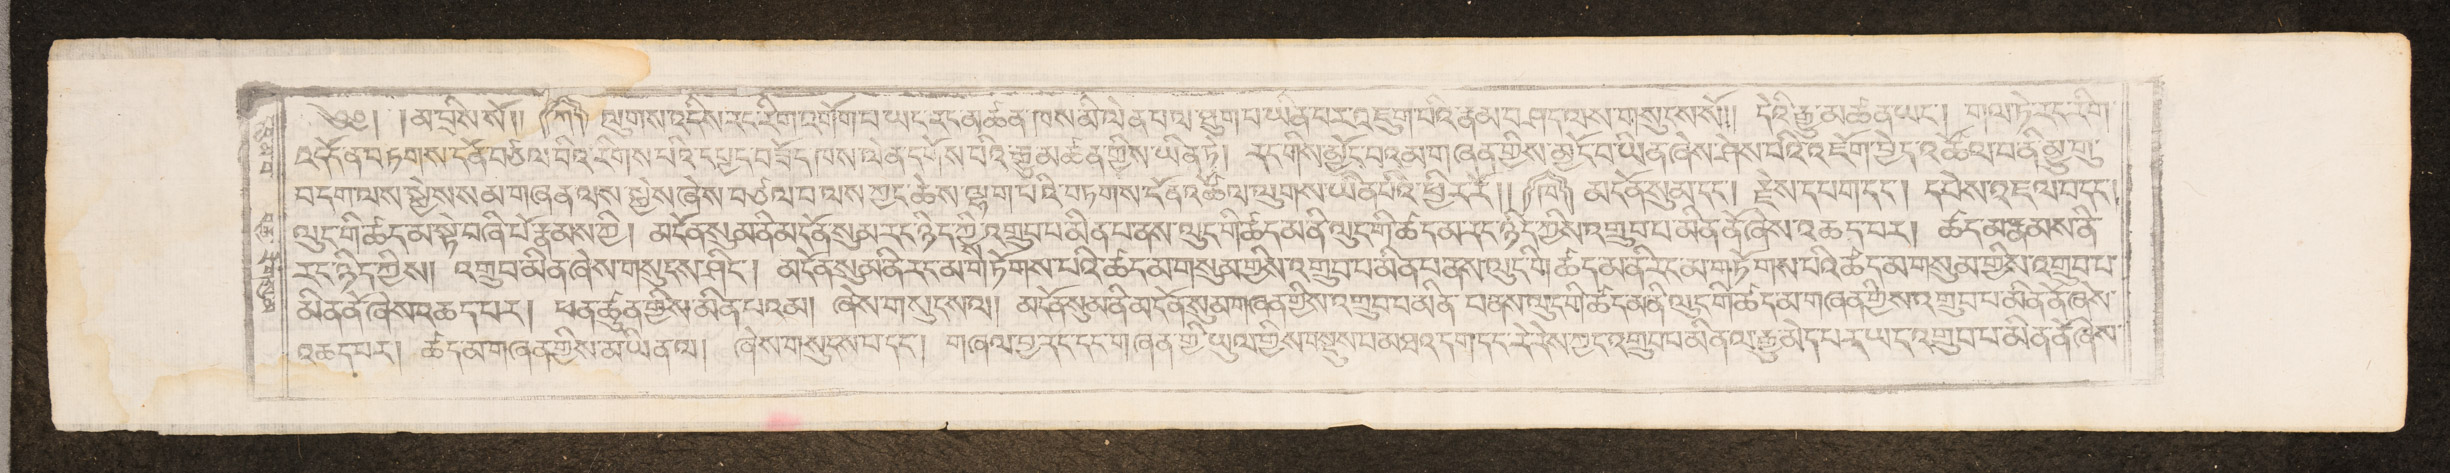༄༅། །མ་བྲིས་སོ།། ༼༽ཀ༼༽ ལུགས་འདིས་རང་རིག་འགོག་པ་ཡང་རང་མཚན་ཁས་མི་ལེན་པ་ལ་ཐུག་པ་ཡིན་པར་འཇུག་པའི་རྣམ་བཤད་ལས་གསུངས་སོ། དེའི་རྒྱུ་མཚན་ཡང་། གལ་ཏེ་རང་རིག་
འདོད་ན་བཏགས་དོན་བཙལ་བའི་རིགས་པའི་དཔྱད་བཟོད་ཁས་ལེན་དགོས་པའི་རྒྱུ་མཚན་གྱིས་ཡིན་ཏེ། རང་གིས་མྱོང་བའམ་གཞན་གྱིས་མྱོང་བ་ཡིན་ཞེས་ཤེས་པའི་འཇོག་བྱེད་འཚོལ་བ་ནི་མྱུ་གུ་
བདག་ལས་སྐྱེས་སམ་གཞན་ལས་སྐྱེས་ཞེས་བཙལ་བ་ལས་ཀྱང་ཆེས་ལྷག་པའི་བཏགས་དོན་འཚོལ་ལུགས་ཡིན་པའི་ཕྱིར་རོ།། ༼༽ཁ༼༽ མངོན་སུམ་དང་། རྗེས་དཔག་དང་། དཔེས་འཇལ་བ་དང་།
ལུང་གི་ཚད་མ་སྟེ་བཞི་པོ་རྣམས་ཀྱི། མངོན་སུམ་ནི་མངོན་སུམ་རང་ཉིད་ཀྱིས་འགྲུབ་པ་མིན་པ་ནས་ལུང་གི་ཚད་མ་ནི་ལུང་གི་ཚད་མ་རང་ཉིད་ཀྱིས་འགྲུབ་པ་མིན་ནོ་ཞེས་འཆད་པར། ཚད་མ་རྣམས་ནི་
རང་ཉིད་ཀྱིས། འགྲུབ་མིན་ཞེས་གསུངས་ཤིང་། མངོན་སུམ་ནི་རང་མ་གཏོགས་པའི་ཚད་མ་གསུམ་གྱིས་འགྲུབ་པ་མིན་པ་ནས་ལུང་གི་ཚད་མ་ནི་རང་མ་གཏོགས་པའི་ཚད་མ་གསུམ་གྱིས་འགྲུབ་པ་
མིན་ནོ་ཞེས་འཆད་པར། ཕན་ཚུན་གྱིས་མིན་པའམ། ཞེས་གསུངས་ལ། མངོན་སུམ་ནི་མངོན་སུམ་གཞན་གྱིས་འགྲུབ་པ་མིན་པ་ནས་ལུང་གི་ཚད་མ་ནི་ལུང་གི་ཚད་མ་གཞན་གྱིས་འགྲུབ་པ་མིན་ནོ་ཞེས་
འཆད་པར། ཚད་མ་གཞན་གྱིས་མ་ཡིན་ལ། ཞེས་གསུངས་པ་དང་། གཞལ་བྱ་རང་དང་གཞན་གྱི་ཡུལ་གྱིས་བསྡུས་པ་མཐའ་དག་དང་རེ་རེས་ཀྱང་འགྲུབ་པ་མིན་ལ་རྒྱུ་མེད་པར་ཡང་འགྲུབ་པ་མིན་ནོ་ཞེས་